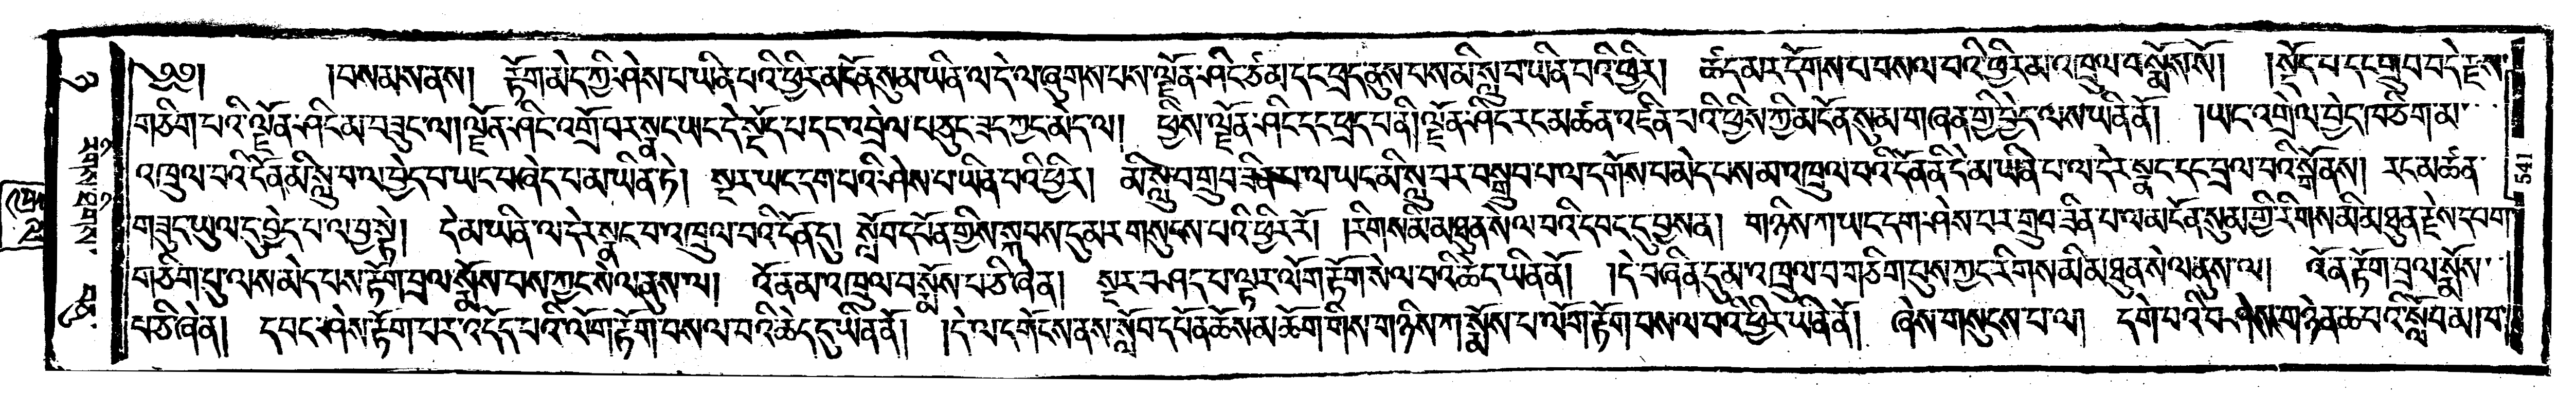༄༅། །བསམས་ནས། རྟོག་མེད་ཀྱི་ཤེས་པ་ཡིན་པའི་ཕྱིར་མངོན་སུམ་ཡིན་ལ་དེ་ལ་ཞུགས་པས་ལྗོན་ཤིང་ཙམ་དང་ཕྲད་ནུས་པས་མི་སླུ་བ་ཡིན་པའི་ཕྱིར། ཚད་མར་དོགས་པ་བསལ་བའི་ཕྱིར་མ་འཁྲུལ་བ་སྨོས་སོ། །སྡོད་པ་དང་གྲུབ་བདེ་རྫས་
གཅིག་པའི་ལྗོན་ཤིང་མ་བཟུང་ལ། ལྗོན་ཤིང་འགྲོ་བར་སྣང་ཡང་དེ་སྡོད་པ་དང་འབྲེལ་པ་ཅུང་ཟད་ཀྱང་མེད་ལ། ཕྱིས་ལྗོན་ཤིང་དང་ཕྲད་པ་ནི། ལྗོན་ཤིང་རང་མཚན་འཛིན་པའི་ཕྱིས་ཀྱི་མངོན་སུམ་གཞན་གྱི་བྱེད་ལས་ཡིན་ནོ། །ཡང་འགྲེལ་བྱེད་ཁ་ཅིག་མ་
འཁྲུལ་བའི་དོན་མི་སླུ་བ་ལ་བྱེད་པ་ཡང་བཞེད་པ་མ་ཡིན་ཏེ། སྔར་ཡང་དག་པའི་ཤེས་པ་ཡིན་པའི་ཕྱིར། མི་སླུ་བ་གྲུབ་ཟིན་པ་ལ་ཡང་མི་སླུ་བར་བསྒྲུབ་པ་ལ་དགོས་པ་མེད་པས་མ་འཁྲུལ་བའི་དོན་ནི་དེ་མ་ཡིན་པ་ལ་དེར་སྣང་དང་བྲལ་བའི་སྒོ་ནས། རང་མཚན་
གཟུང་ཡུལ་དུ་བྱེད་པ་ལ་བྱ་སྟེ། དེ་མ་ཡིན་ལ་དེར་སྣང་བ་འཁྲུལ་བའི་དོན་དུ། སློབ་དཔོན་གྱིས་སྐབས་དུ་མར་གསུངས་པའི་ཕྱིར་རོ། །རིགས་མི་མཐུན་སེལ་བའི་དབང་དུ་བྱས་ན། གཉིས་ཀ་ཡང་དག་ཤེས་པར་གྲུབ་ཟིན་པ་ལ་མངོན་སུམ་གྱི་རིགས་མི་མཐུན་རྗེས་དབག་
གཅིག་པུ་ལས་མེད་པས་རྟོག་བྲལ་སྨོས་པས་ཀྱང་སེལ་ནུས་ལ། འོ་ན་མ་འཁྲུལ་བ་སྨོས་པ་ཅི་ཞེ་ན། སྔར་བཤད་པ་ལྟར་ལོག་རྟོག་སེལ་བའི་ཆེད་ཡིན་ནོ། །དེ་བཞིན་དུ་མ་འཁྲུལ་བ་གཅིག་པུས་ཀྱང་རིགས་མི་མཐུན་སེལ་ནུས་ལ། འོན་རྟོག་བྲལ་སྨོས་
པ་ཅི་ཞེ་ན། དབང་ཤེས་རྟོག་པར་འདོད་པའི་ལོག་རྟོག་བསལ་བའི་ཆེད་དུ་ཡིན་ནོ། །དེ་ལ་དགོངས་ནས་སློབ་དཔོན་ཆོས་མཆོག་གིས་གཉིས་ཀ་སྨོས་པ་ལོག་རྟོག་བསལ་བའི་ཕྱིར་ཡིན་ནོ། ཞེས་གསུངས་པ་ལ། དགེ་པའི་བཤེས་གཉེན་ཆ་བའི་སློབ་མ་ཁ་